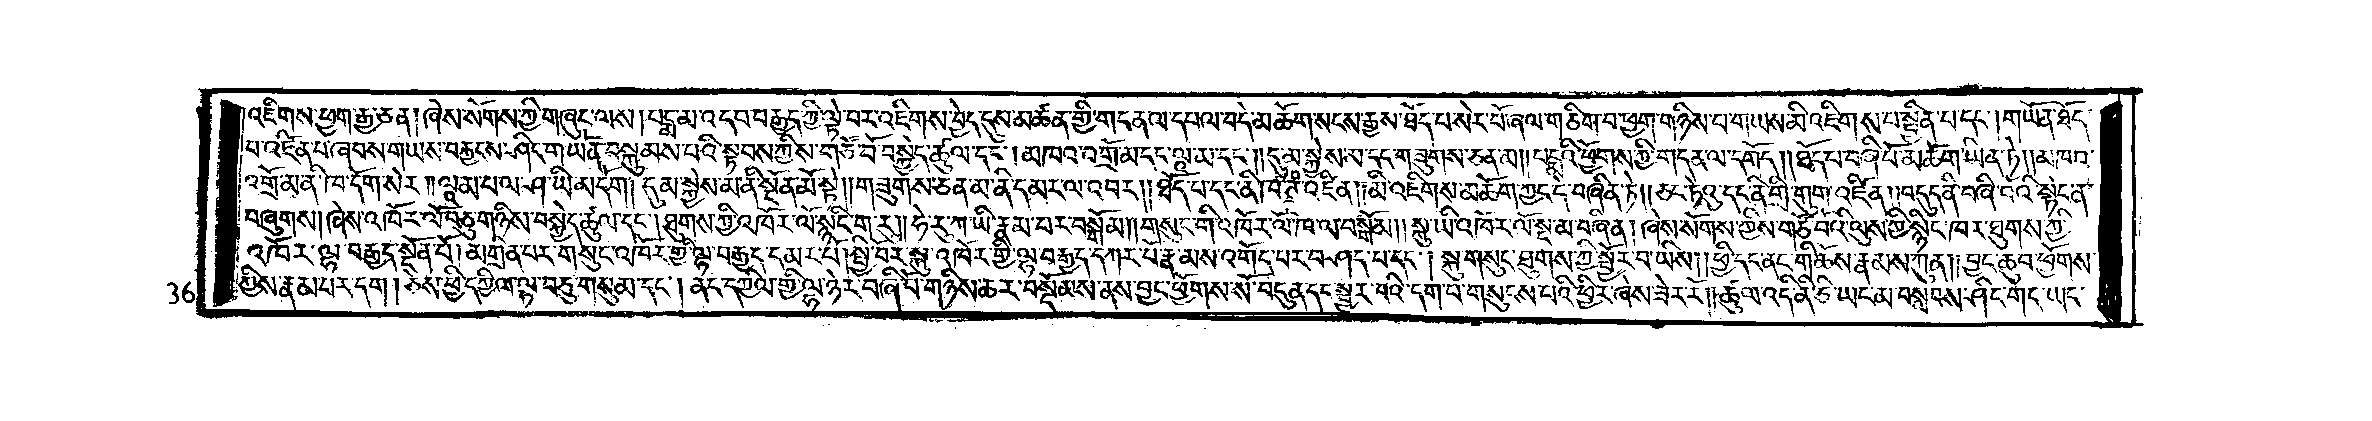འཇིགས་ཕྱག་རྒྱ་ཅན། ཞེས་སོགས་ཀྱི་གཞུང་ལས། པདམ་མ་འདབ་བརྒྱད་ཀྱི་ལྟེ་བར་འཇིགས་བྱེད་དུས་མཚན་གྱི་གདན་ལ་དཔལ་བདེ་མཆོག་སངས་རྒྱས་ཐོད་པ་སེར་པོ་ཞལ་གཅིག་པ་ཕྱག་གཉིས་པ་གཡས་མི་འཇིགས་པ་སྦྱིན་པ་དང་། གཡོན་ཐོད་
པ་འཛིན་པ་ཞབས་གཡས་བརྐྱངས་ཤིང་གཡོན་བསྐུམས་པའི་སྟབས་ཀྱིས་གཙོ་བོ་བསྐྱེད་ཚུལ་དང་། མཁའ་འགྲོ་མ་དང་ལཱ་མ་དང་། །དུ་མ་སྐྱེས་མ་དང་གཟུགས་ཅན་མ། པདམའི་ཕྱོགས་ཀྱི་གདན་ལ་དགོད། །ཐོད་པ་བཞི་པོ་མཆོག་ཡིན་ཏེ། །མཁའ་
འགྲོ་མ་ནི་ཁ་དོག་སེར། །ལཱ་མ་པ་ལ་ཤ་ཡི་མདོག། །དུ་མ་སྐྱེས་མ་ནི་སྔོན་མོ་སྟེ། །གཟུགས་ཅན་མ་ནི་དམར་ལ་འབར། །ཐོད་པ་དང་ནི་ཁ་ཊཱཾ་འཛིན། །ཇི་འཇིགས་མཆོག་ཀྱང་དེ་བཞིན་ཏེ། །ཅང་ཏེའུ་དང་ནི་གྲི་གུག་འཛིན། །བདུད་ནི་བཞི་པོའི་སྟེང་ན་
བཞུགས། ཞེས་འཁོར་ལོ་བཅུ་གཉིས་བསྐྱེད་ཚུལ་དང་། ཐུགས་ཀྱི་འཁོར་ལོ་སྙིང་ག་རུ། ཧེ་རུ་ཀ་ཡི་རྣམ་པར་བསྒོམ། །གསུང་གི་འཁོར་ལོ་ཁ་ལ་བསྒོམ། །སྐུ་ཡི་འཁོར་ལོ་སྔ་མ་བཞིན། ཞེས་སོགས་ཀྱིས་གཙོ་བོའི་ལུས་ཀྱི་སྙིང་ཁར་ཐུགས་ཀྱི་
འཁོར་ལྷ་བརྒྱད་སྔོན་པོ། མགྲིན་པར་གསུང་འཁོར་གྱི་ལྷ་བརྒྱད་དམར་པོ། སྤྱི་བོར་སྐུ་འཁོར་གྱི་ལྷ་བརྒྱད་དཀར་པོ་རྣམས་འགོད་པར་བཤད་པ་དང་། སྐུ་གསུང་ཐུགས་ཀྱི་སྦྱོར་བ་ཡིས། །ཕྱི་དང་ནང་གི་ཆོས་རྣམས་ཀུན། །བྱང་ཆུབ་ཕྱོགས་
ཀྱིས་རྣམ་པར་དག། ཅེས་ཕྱི་དཀྱིལ་ལྷ་བཅུ་གསུམ་དང་། ནང་དཀྱིལ་གྱི་ལྷ་ཉེར་བཞི་པོ་གཉིས་ཆར་བསྡོམས་ནས་བྱང་ཕྱོགས་སོ་བདུན་དང་སྦྱར་བའི་དག་པ་གསུངས་པའི་ཕྱིར་ཞེས་ཟེར་རོ། །ཚུལ་འདི་ནི་ཅི་ཡང་མ་བསླབས་ཤིང་གང་ཡང་